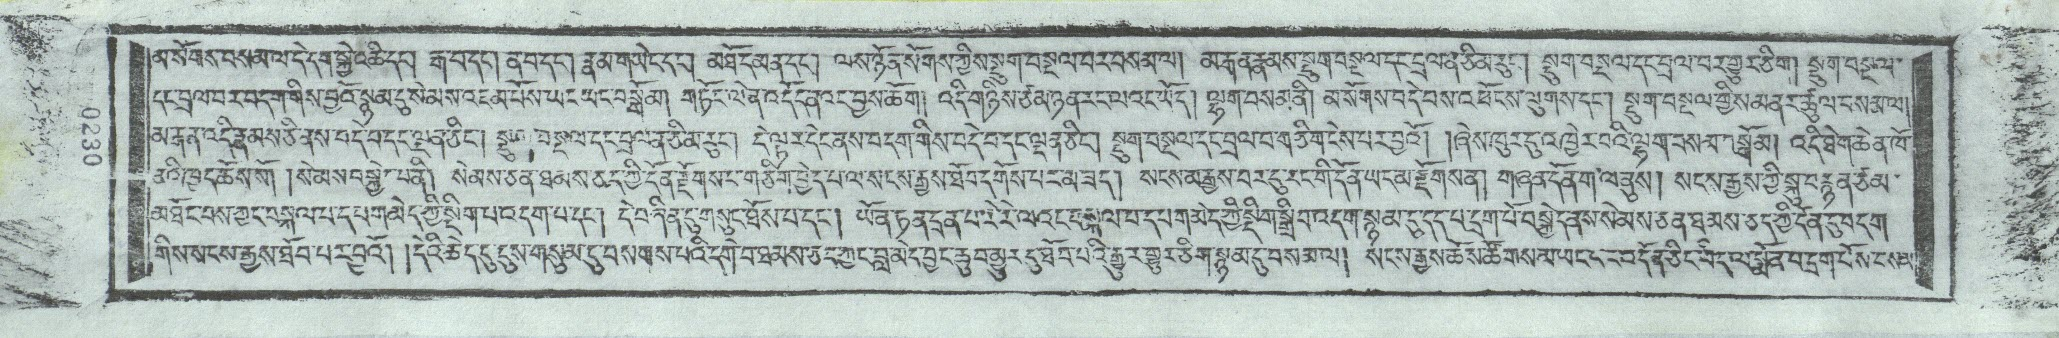མ་སོགས་བསམ་ལ་དེ་དག་སྐྱེ་འཆི་དང་། རྒ་བ་དང་། ན་བ་དང་། རྣམ་གཡེང་དང་། མཐོ་དམན་དང་། ལས་ཉོན་སོགས་ཀྱིས་སྡུག་བསྔལ་བར་བསམ་ལ། མརྒན་རྣམས་སྡུག་བསྔལ་དང་བྲལ་ན་ཅི་མ་རུང་། སྡུག་བསྔལ་དང་བྲལ་བར་གྱུར་ཅིག། སྡུག་བསྔལ་
དང་བྲལ་བར་བདག་གིས་བྱའོ་སྙམ་དུ་སེམས་འཇམ་པོས་ཡང་ཡང་བསྒོམ། གཏོང་ལེན་འདོད་ནའང་བྱས་ཆོག། འདི་གཉིས་ཙམ་ཉན་རང་ལའང་ཡོད། ལྷག་བསམ་ནི། མ་སོགས་བདེ་བས་འཕོངས་ལུགས་དང་། སྡུག་བསྔལ་གྱིས་མནར་ཚུལ་བསམ་ལ།
མ་རྒན་འདི་རྣམས་ཅི་ནས་བདེ་བ་དང་ལྡན་ཅིང་། སྡུག་བསྔལ་དང་བྲལ་ན་ཅི་མ་རུང་། དེ་ལྟར་དེང་ནས་བདག་གིས་བདེ་བ་དང་ལྡན་ཅིང་། སྡུག་བསྔལ་དང་བྲལ་བ་གཅིག་ངེས་པར་བྱའོ། །ཞེས་ཁུར་དུ་འཁྱེར་བའི་ལྷག་བསམ་བསྒོམ། འདི་ཐེག་ཆེན་ལོ་
ནའི་ཁྱད་ཆོས་སོ། །སེམས་བསྐྱེད་པ་ནི། སེམས་ཅན་ཐམས་ཅད་ཀྱི་དོན་རྫོགས་པ་གཅིག་བྱེད་པ་ལ་སངས་རྒྱས་ཐོབ་དགོས་པར་མ་ཟད། སངས་མ་རྒྱས་པར་དུ་རང་གི་དོན་ཡང་མ་རྫོགས་ན། གཞན་དོན་ག་ལ་ནུས། སངས་རྒྱས་ཀྱི་སྐུ་བརྙན་ཙམ་
མཐོང་བས་ཀྱང་བསྐལ་པ་དཔག་མེད་ཀྱི་སྡིག་པ་བདག་པ་དང་། དེ་བཞིན་དུ་གསུང་ཐོས་པ་དང་། ཡོན་ཏན་དྲན་པ་རེ་རེ་ལའང་བསྐལ་པ་དཔག་མེད་ཀྱི་སྡིག་སྒྲིབ་བདག་སྙམ་དུ་དད་པ་དྲག་པོ་བསྐྱེད་ནས་སེམས་ཅན་ཐམས་ཅད་ཀྱི་དོན་དུ་བདག་
གིས་སངས་རྒྱས་ཐོབ་པར་བྱའོ། །དེའི་ཚད་དུ་དུས་གསུམ་དུ་བསགས་པའི་དགེ་བ་ཐམས་ཅད་ཀྱང་བླ་མེད་བྱང་ཆུབ་མྱུར་དུ་ཐོབ་པའི་རྒྱུར་གྱུར་ཅིག་སྙམ་དུ་བསམ་ལ། སངས་རྒྱས་ཆོས་ཚོགས་མ་ཡང་ཡང་འདོན་ཅིང་ཡིད་ལ་སྨོན་པ་དྲག་པོས་བསམ་